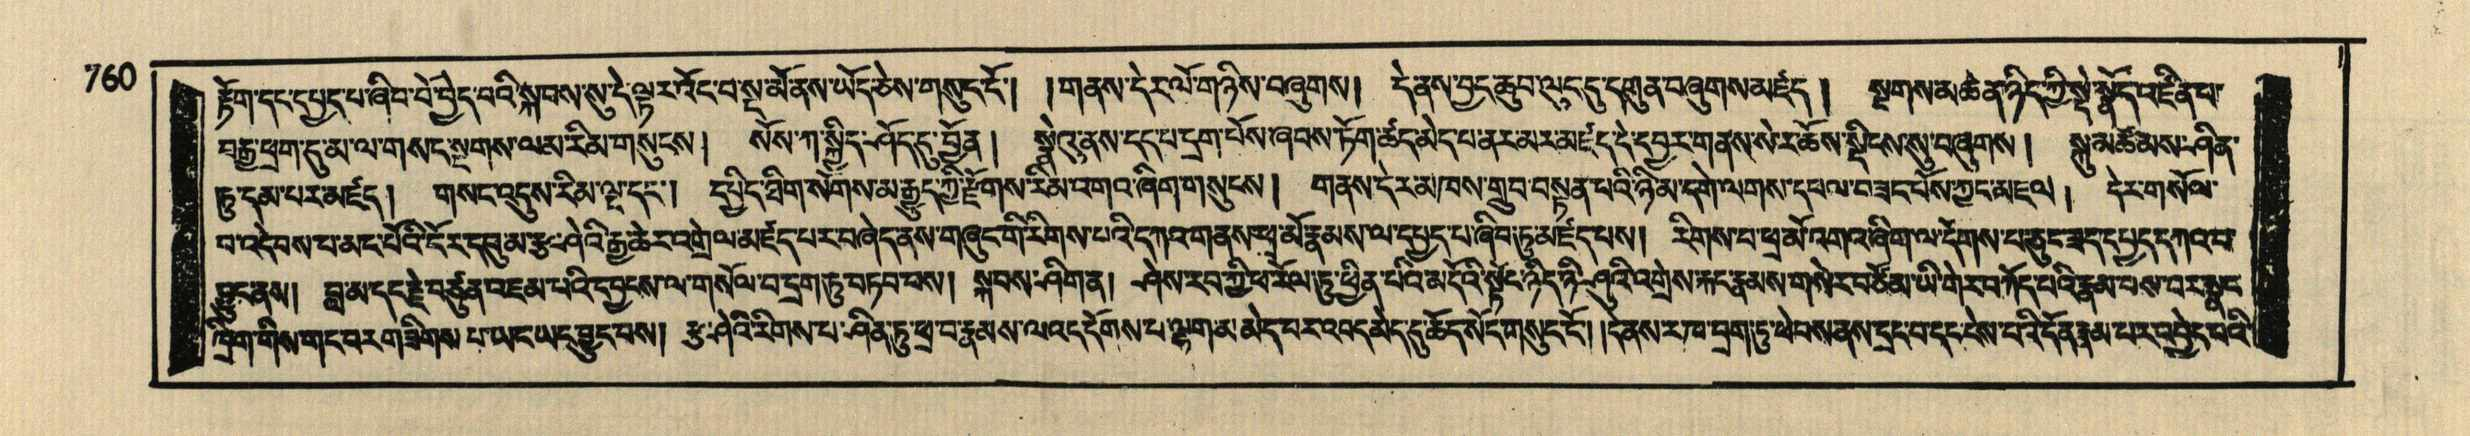རྟོག་དང་དཔྱད་པ་ཞིབ་པོ་བྱེད་བའི་སྐབས་སུ་དེ་ལྟར་འོང་བ་སྔ་མོ་ནས་ཡོད་ཅེས་གསུང་ངོ། །གནས་དེར་ལོ་གཉིས་བཞུགས། དེ་ནས་བྱང་ཆུབ་ལུང་དུ་དགུན་བཞུགས་མཛད། སྔགས་མཚན་ཉིད་ཀྱི་སྡེ་སྣོད་འཛིན་པ་
བརྒྱ་ཕྲག་དུ་མ་ལ་གསང་སྔགས་ལམ་རིམ་གསུངས། སོས་ཀ་སྐྱིད་ཤོད་དུ་བྱོན། སྣེའུ་ནས་དད་པ་དྲག་པོས་ཞབས་ཏོག་ཚད་མེད་པ་ནར་མར་མཛད་དེ་དབྱར་གནས་སེར་ཆོས་སྡིངས་སུ་བཞུགས། སྐུ་མཚམས་ཤིན་
ཏུ་དམ་པར་མཛད། གསང་འདུས་རིམ་ལྔ་དང་། དཔྱིད་ཐིག་སོགས་མ་རྒྱུད་ཀྱི་རྫོགས་རིམ་འགའ་ཞིག་གསུངས། གནས་དེར་མཁས་གྲུབ་བསྟན་པའི་ཉི་མ་དགེ་ལགས་དཔལ་བཟང་པོས་ཀྱང་མཇལ། དེར་གསོལ་
བ་འདེབས་པ་མང་པོའི་ངོར་དབུ་མ་རྩ་ཤེའི་རྒྱ་ཆེར་འགྲེལ་མཛད་པར་བཞེད་ནས་གཞུང་གི་རིགས་པའི་དཀའ་གནས་ཕྲ་མོ་རྣམས་ལ་དཔྱད་པ་ཞིབ་ཏུ་མཛད་པས། རིགས་པ་ཕྲ་མོ་འགའ་ཞིག་ལ་དོགས་པ་ཅུང་ཟད་དཔྱད་དཀའ་བ་
བྱུང་ནས། བླ་མ་དང་རྗེ་བཙུན་འཇམ་པའི་དབྱངས་ལ་གསོལ་བ་དྲག་ཏུ་བཏབ་པས། སྐབས་ཤིག་ན། ཤེས་རབ་ཀྱི་ཕ་རོལ་ཏུ་ཕྱིན་པའི་མདོའི་སྟོང་ཉིད་ཉི་ཤུའི་འགྲེས་རྐང་རྣམས་གསེར་བཙོམ་ཡི་གེར་བཀོད་པའི་རྣམ་པས་བར་སྣང་
ཁྲིག་གིས་གང་བར་གཟིགས་པ་ཡང་ཡང་བྱུང་བས། རྩ་ཤེའི་རིགས་པ་ཤིན་ཏུ་ཕྲ་བ་རྣམས་ལའང་དོགས་པ་ལྷག་མ་མེད་པར་འབད་མེད་དུ་ཆོད་སོང་གསུང་ངོ། །དེ་ནས་ར་ཁ་བྲག་ཏུ་ཕེབས་ནས་དྲང་བ་དང་ངེས་པའི་དོན་རྣམ་པར་འབྱེད་པའི་